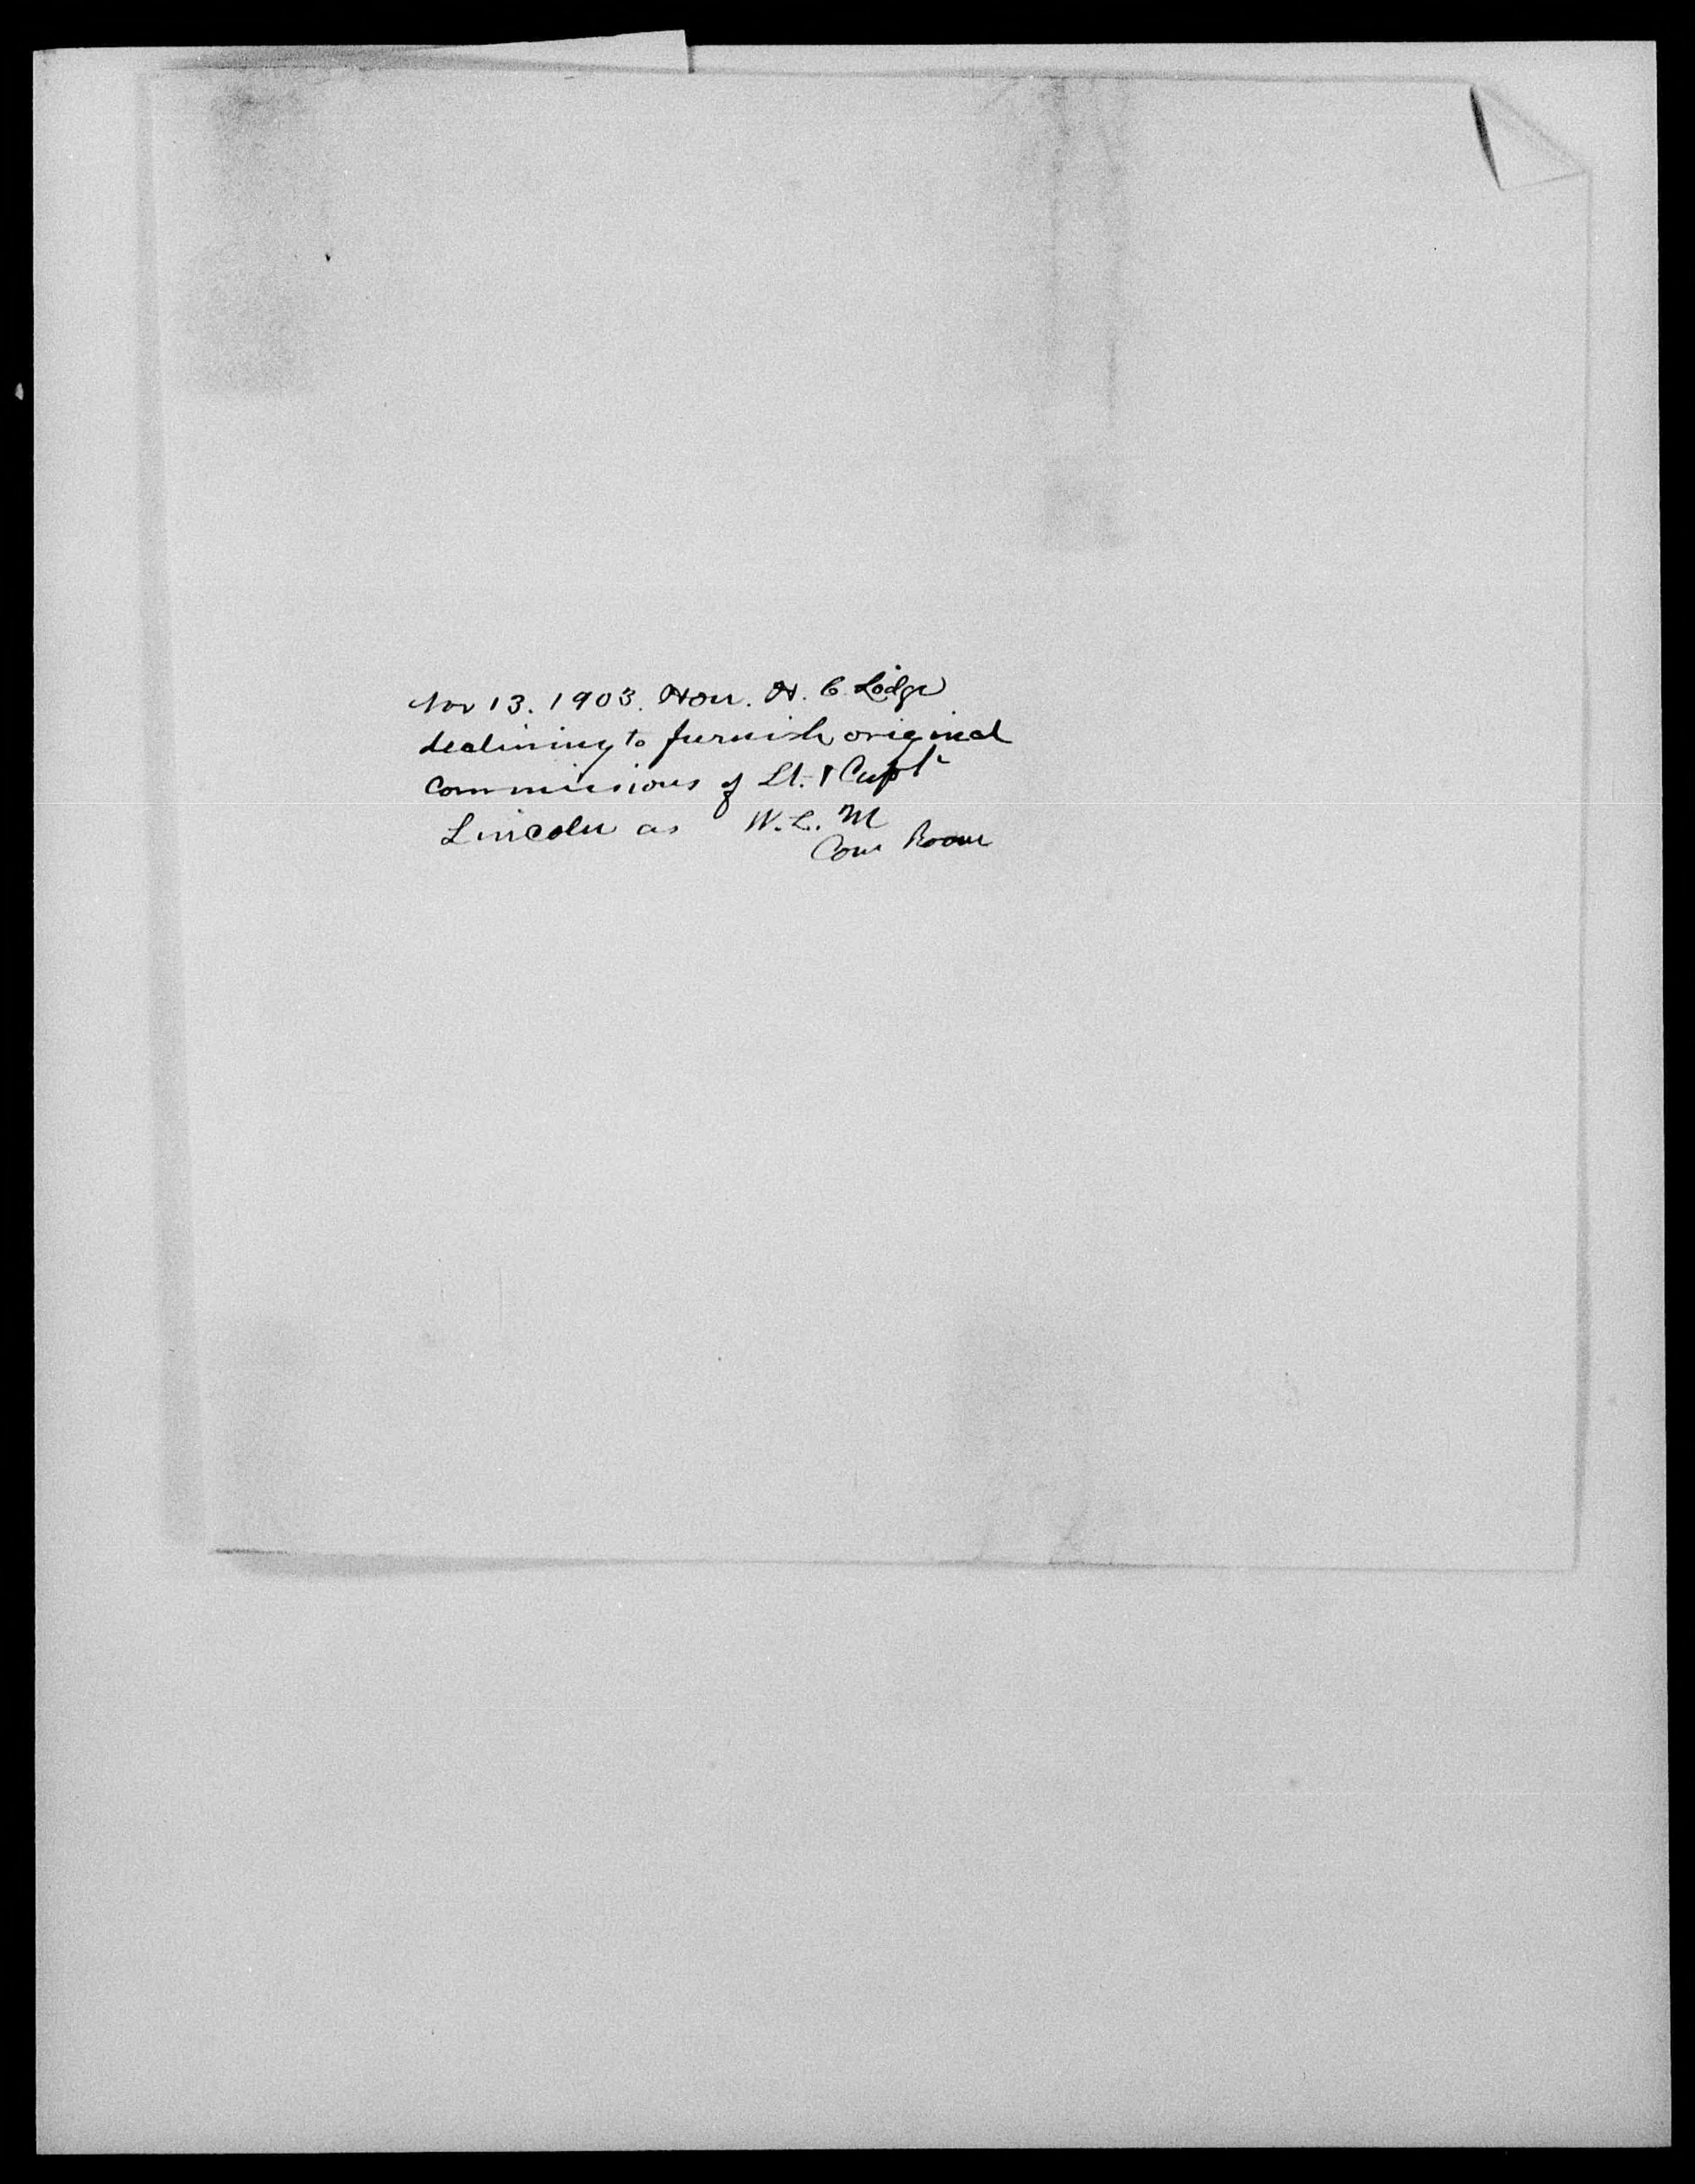Nov 13, 1903. Hon. H. C. Lodge
declining to furnish original
commissions of Lt. & Capt
Lincoln as W. L. M  (Illegible)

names: [BLANK] Lincoln; N C Lodge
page: 43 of 82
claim: widow's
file: W. 13,634, for Rufus Lincoln, Massachusetts